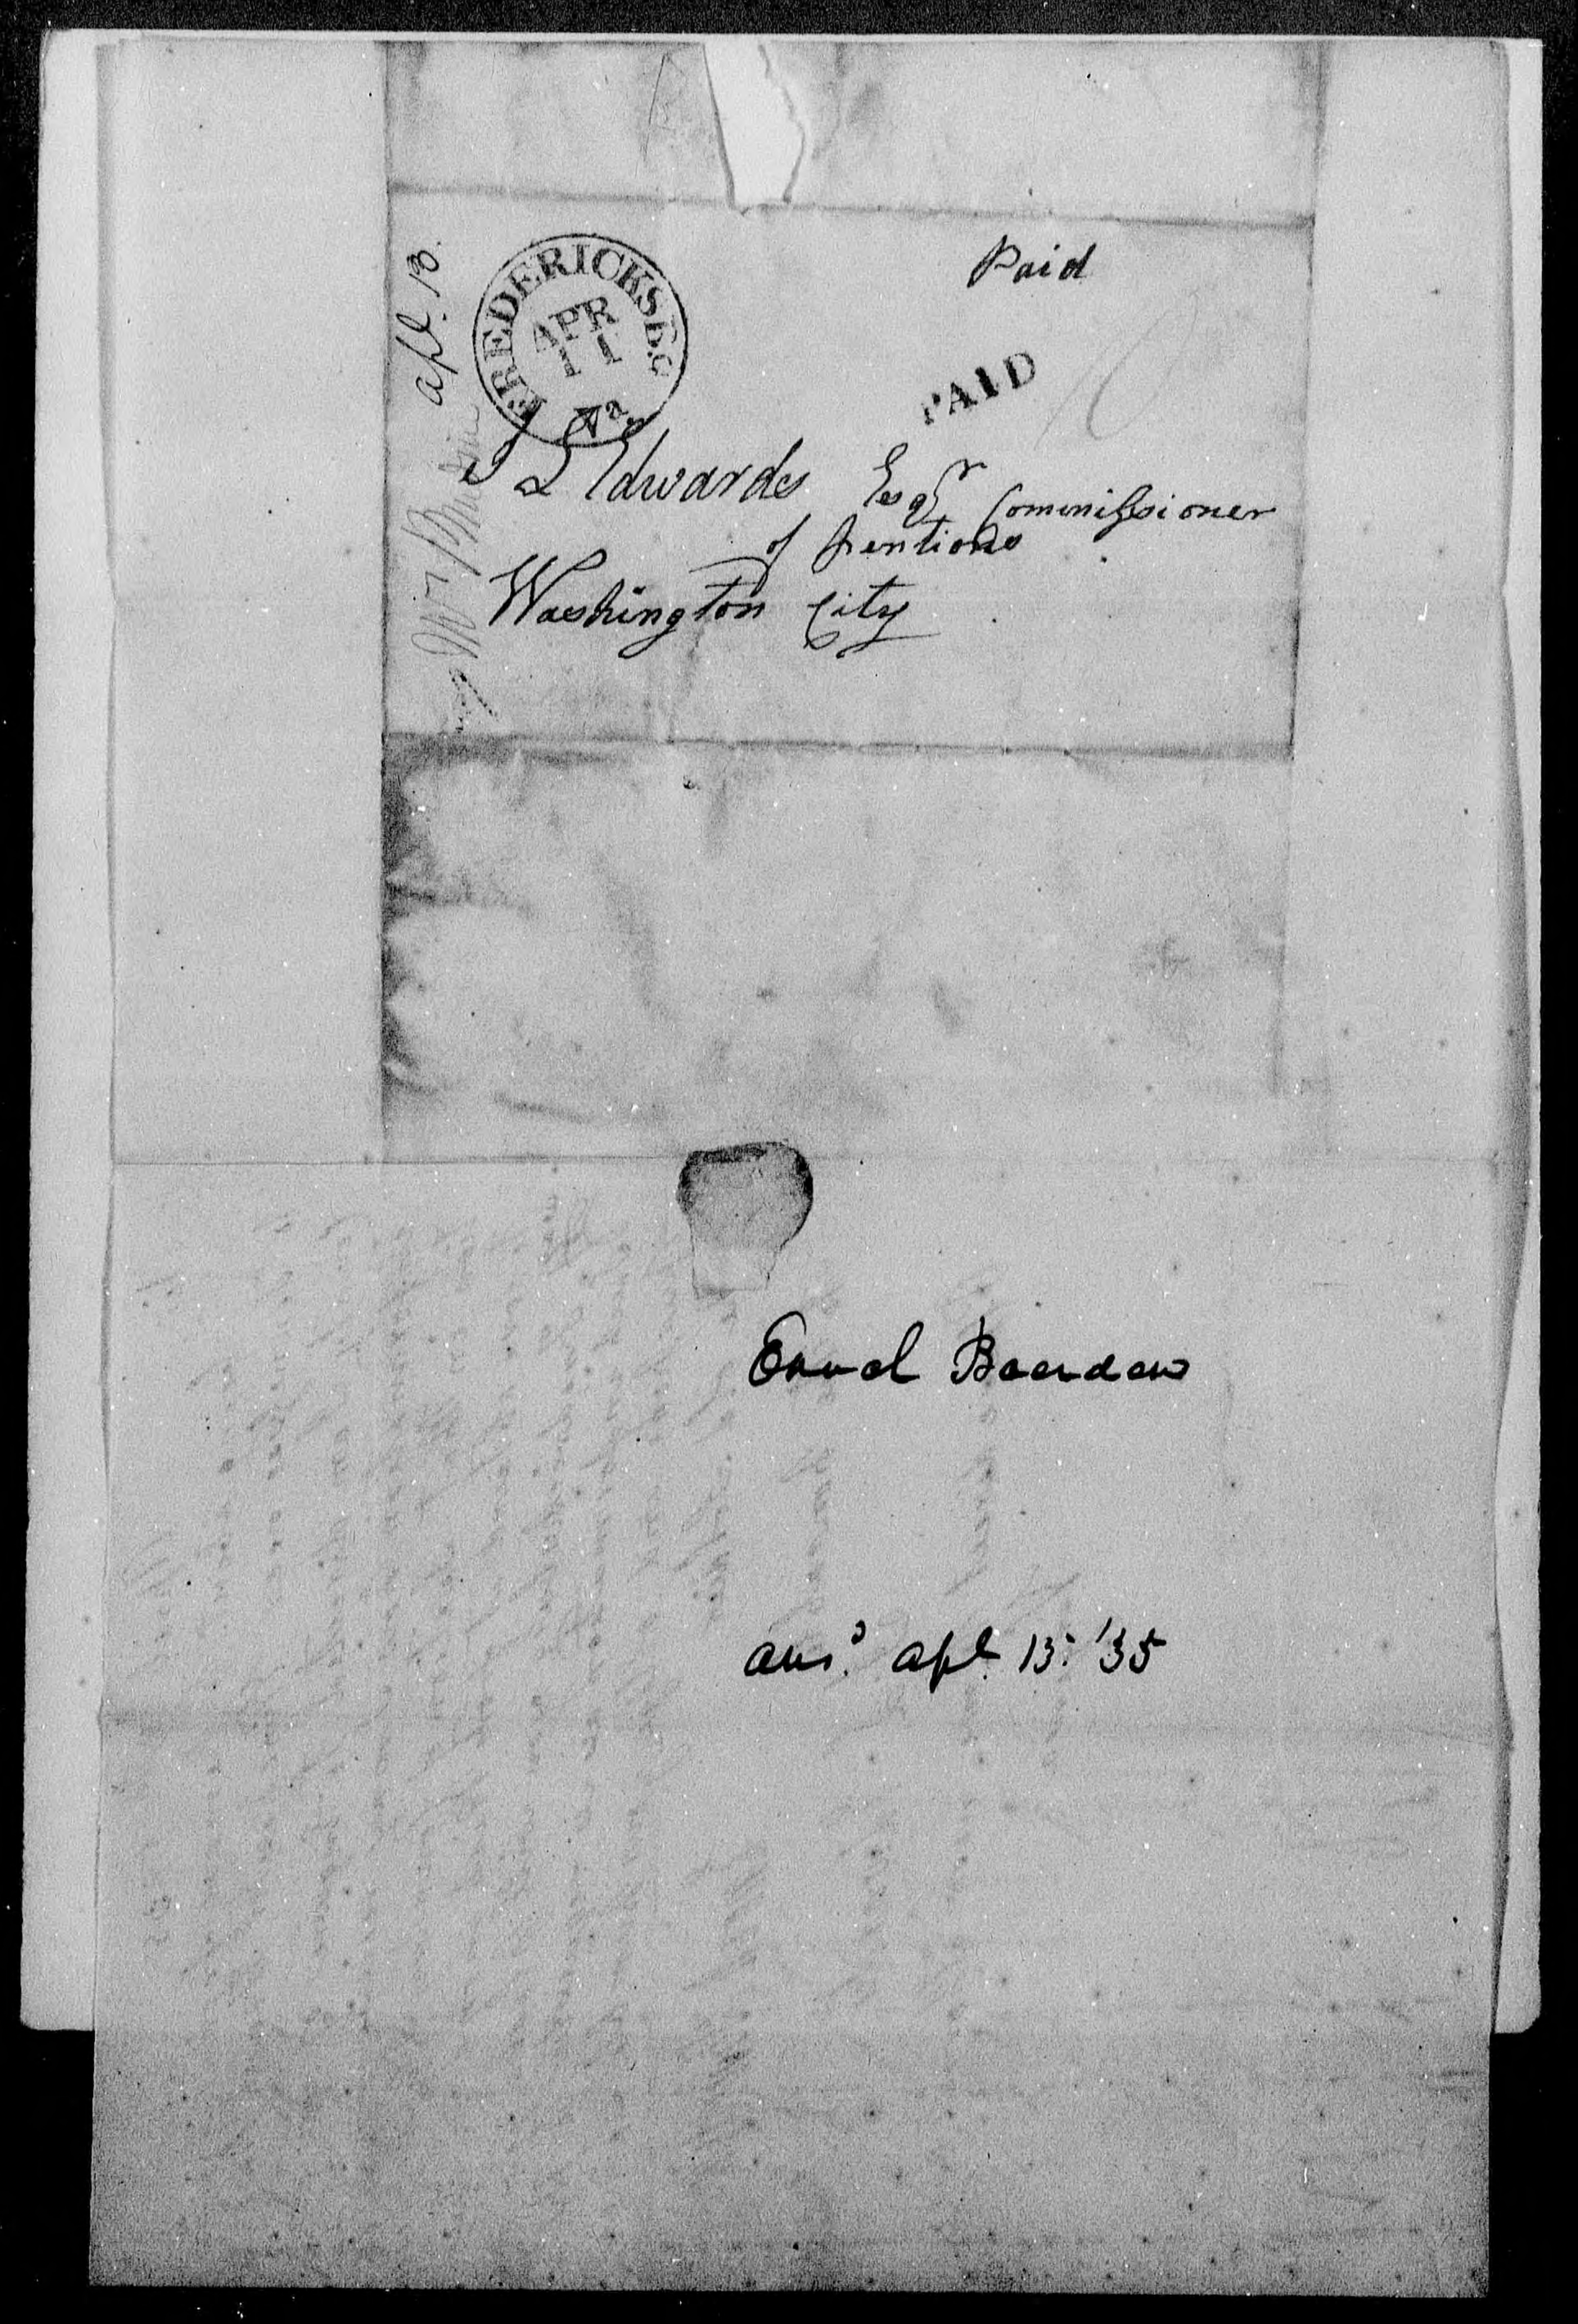Apl 13
Seal: Fredericksburg ALR 11 Va
Paid
J.S. Edwards Esq 
Commissioner of Pentions
Washington City 

Enoch Breeden 
A[?] Apl 13 ‘35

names: J L Edwards, Enoch Breeden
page: 19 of 27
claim: survivor's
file: S. 1747, Enoch Breeden, Va.